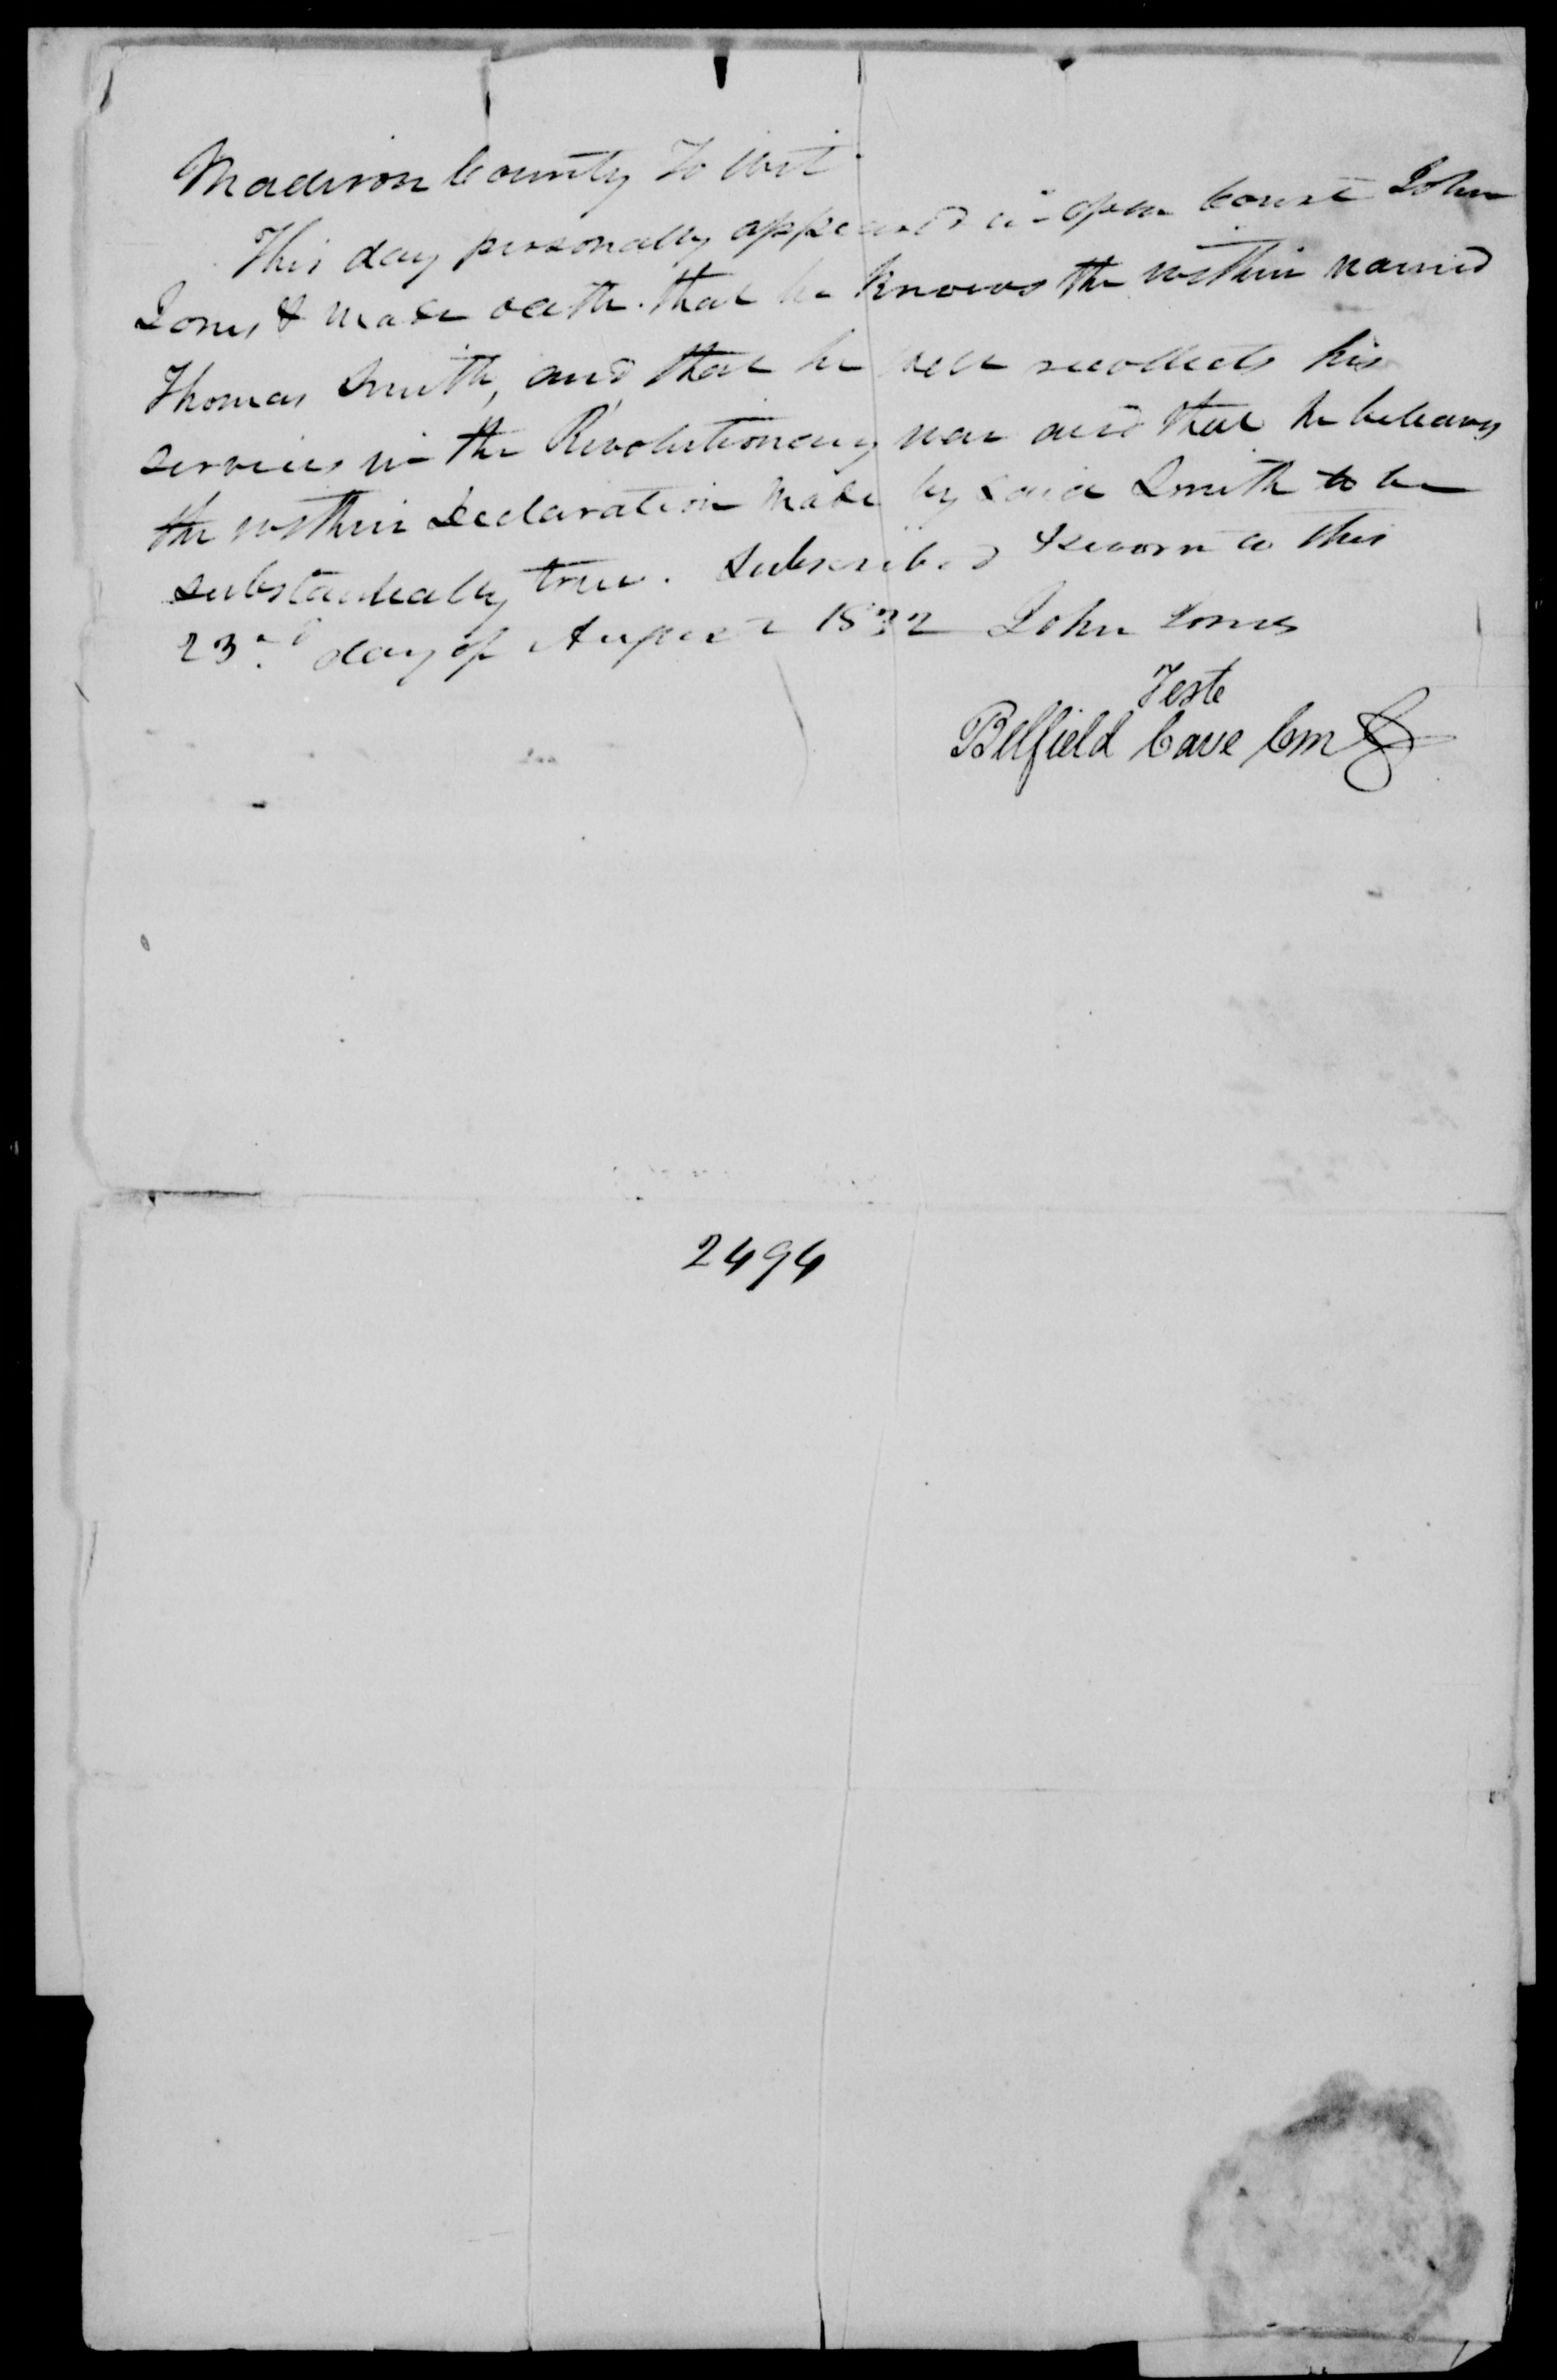Madison County To Wit This day personally appeared in open Court John Jones & made oath that he knows the within named Thomas Smith, and that he well recollects his services in the Revolutionary war and that he believe the within declaration made by said Smith to be substantially true. Subscribed sworn to this 23 day of August 1832 John Jones Teste Belfield Cave Com
 2494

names: Belfield Cave; [BLANK] Smith; Thomas Smith; John Jones; John Jones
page: 5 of 23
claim: survivor's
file: S. 6,125, for Thomas Smith, Virginia